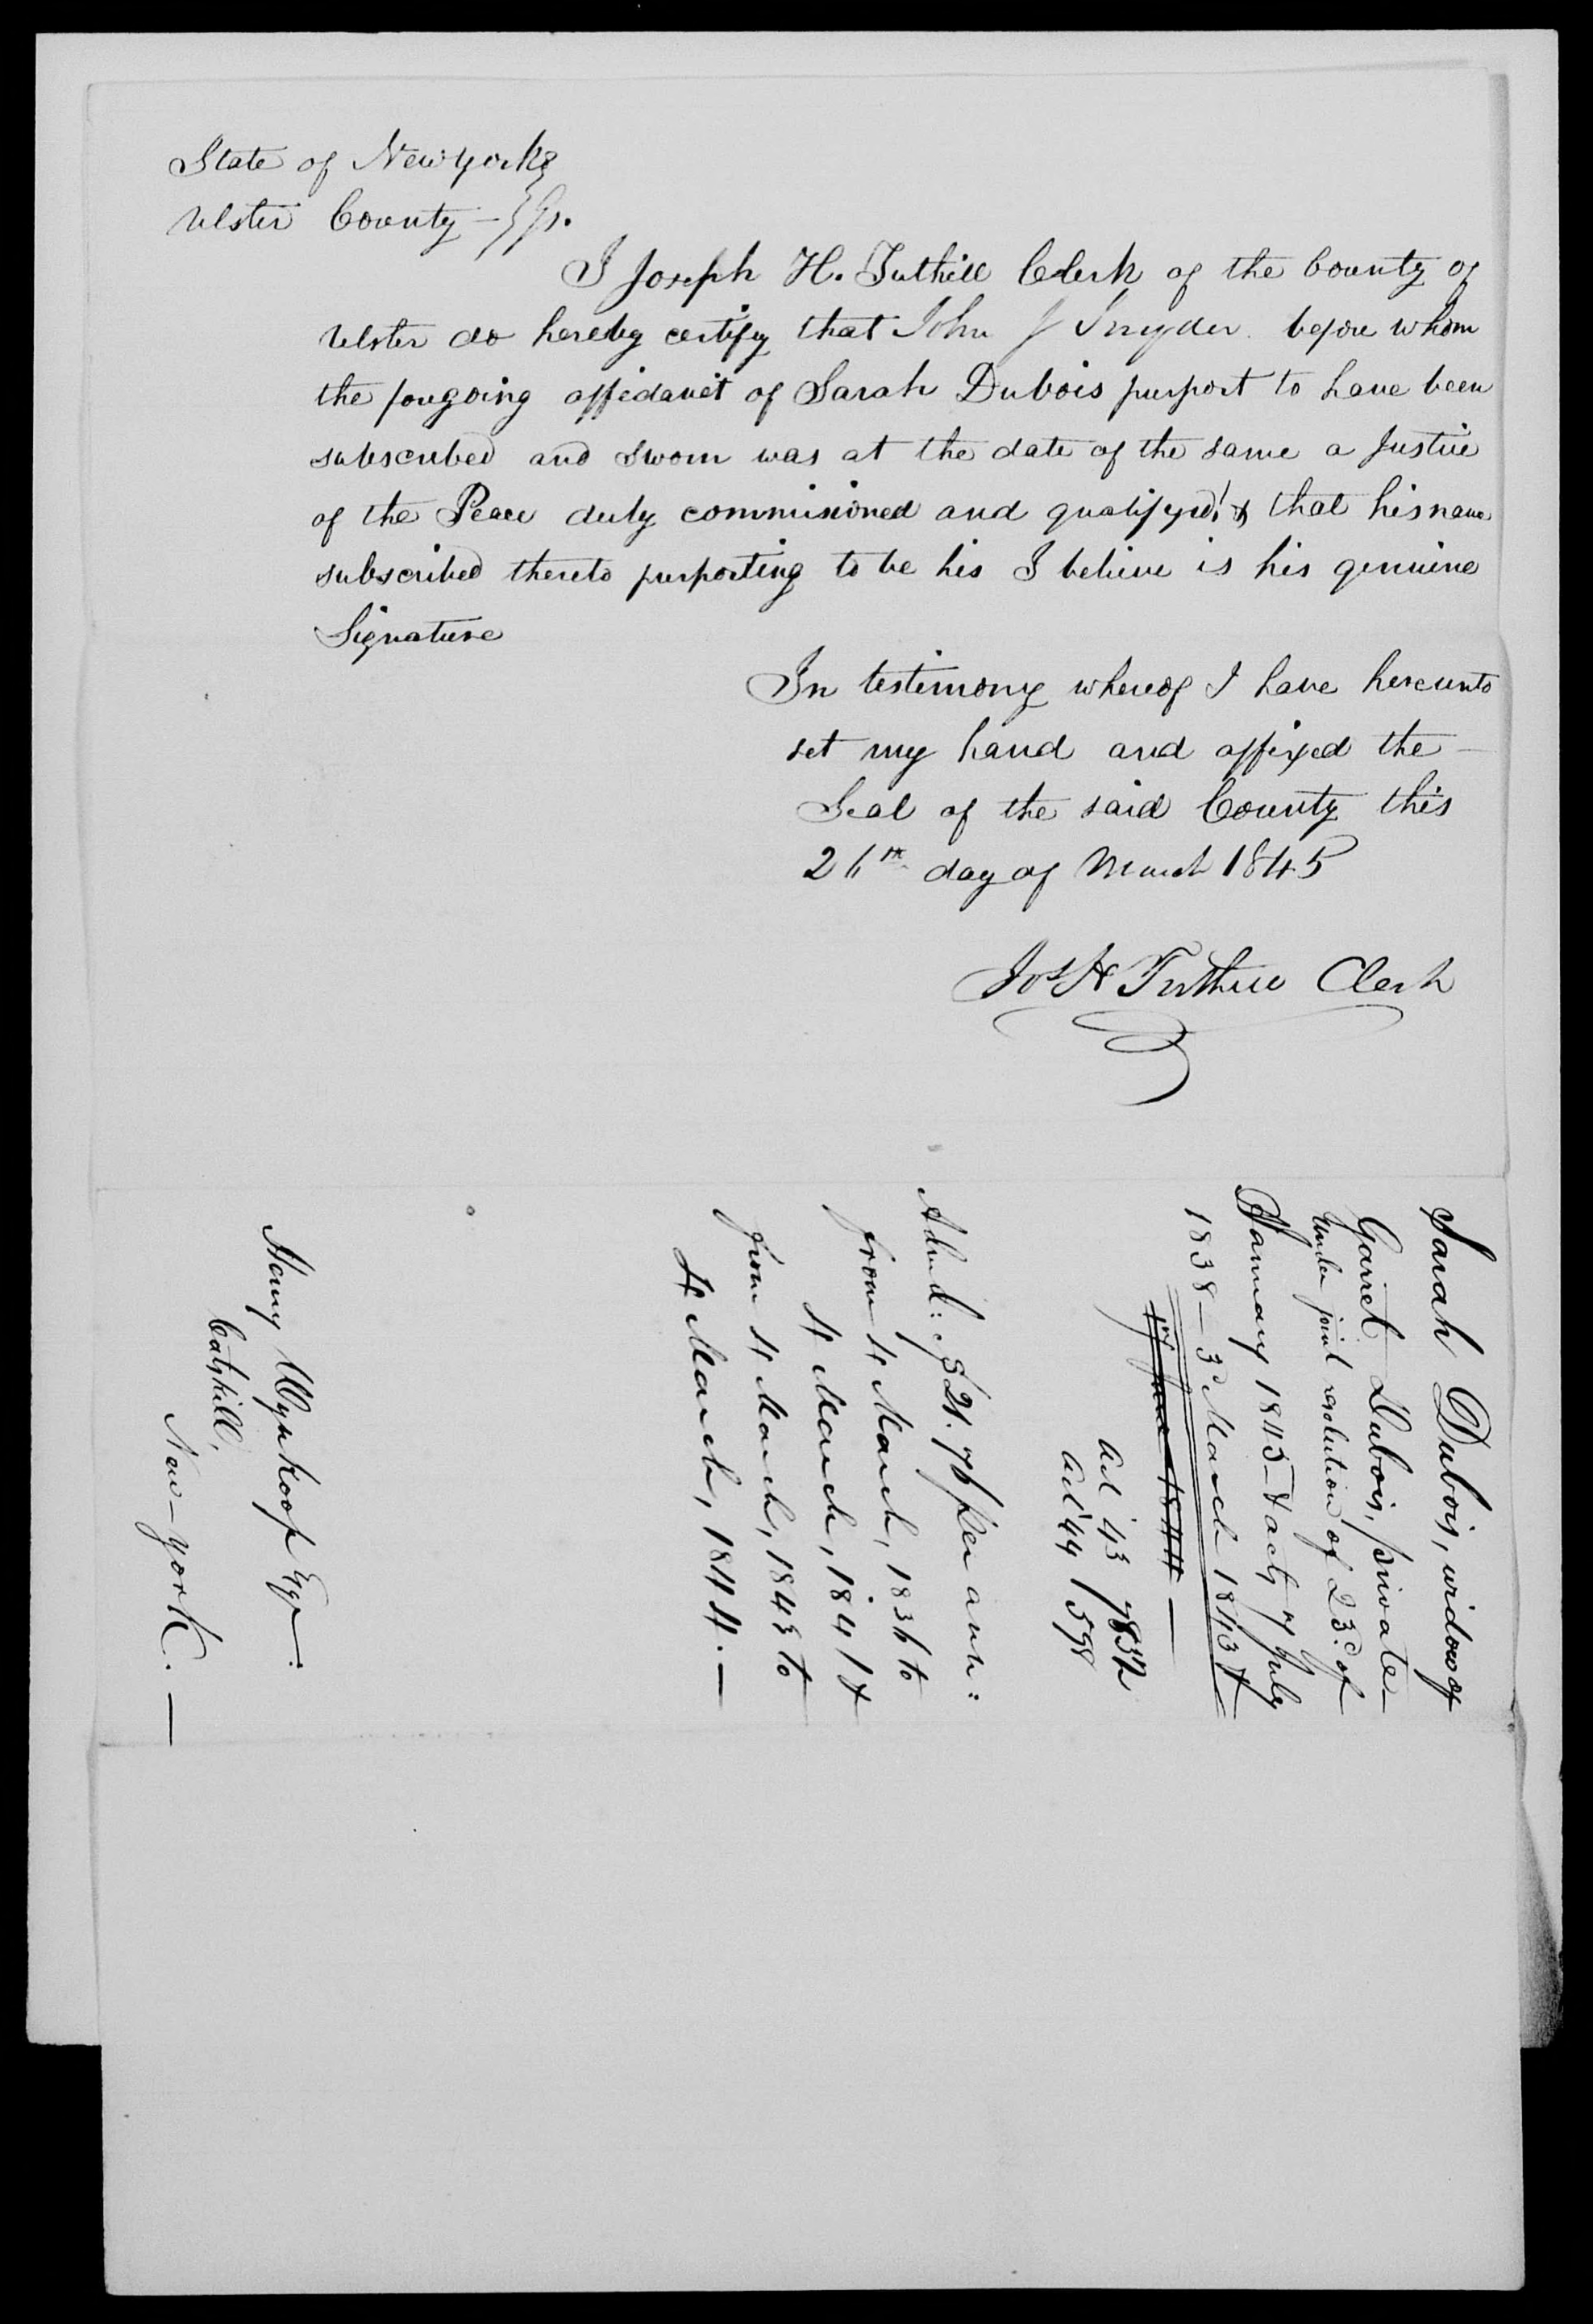State of New York
Ulster County-}ss
I Joseph H. Tuthill Clerk of the County of Ulster do hereby certify that John J Snyder before whom the foregoing affidavit of Sarah Dubois purport to have been subscribed and sworn was at the date of the same a Justice of the Peace duly commissioned and qualifyed, & that his name subscribed thereto purporting to be his I believe is his genuine Signature
In testimony whereof I have hereunto set my hand and affixed the- Seal of the said County this 26th day of March 1845
[signed] Jos H Tuthill Clerk

[vertical text at bottom of page]
Sarah Dubois, widow of Garret Dubois, private under joint resolution of 23rd of January 1811 & Act of July 1838 - 3 March 1843
===================
Act '43 7832
Act '44 598

Admd: $21.76 per annum:
from 4 March 1836 to 4 March, 1841
from 4 March, 1843 to
4 March, 1844

Henry Wynkoop Eqr
Catskill, New York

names: Sarah Dubois, John J Snyder, Henry Wynkoop, Jos H Tuthill, Garret Dubois, Joseph H Tuthill, Sarah Dubois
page: 25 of 36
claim: widow's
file: W 20995, Gerrit Dubois, New York